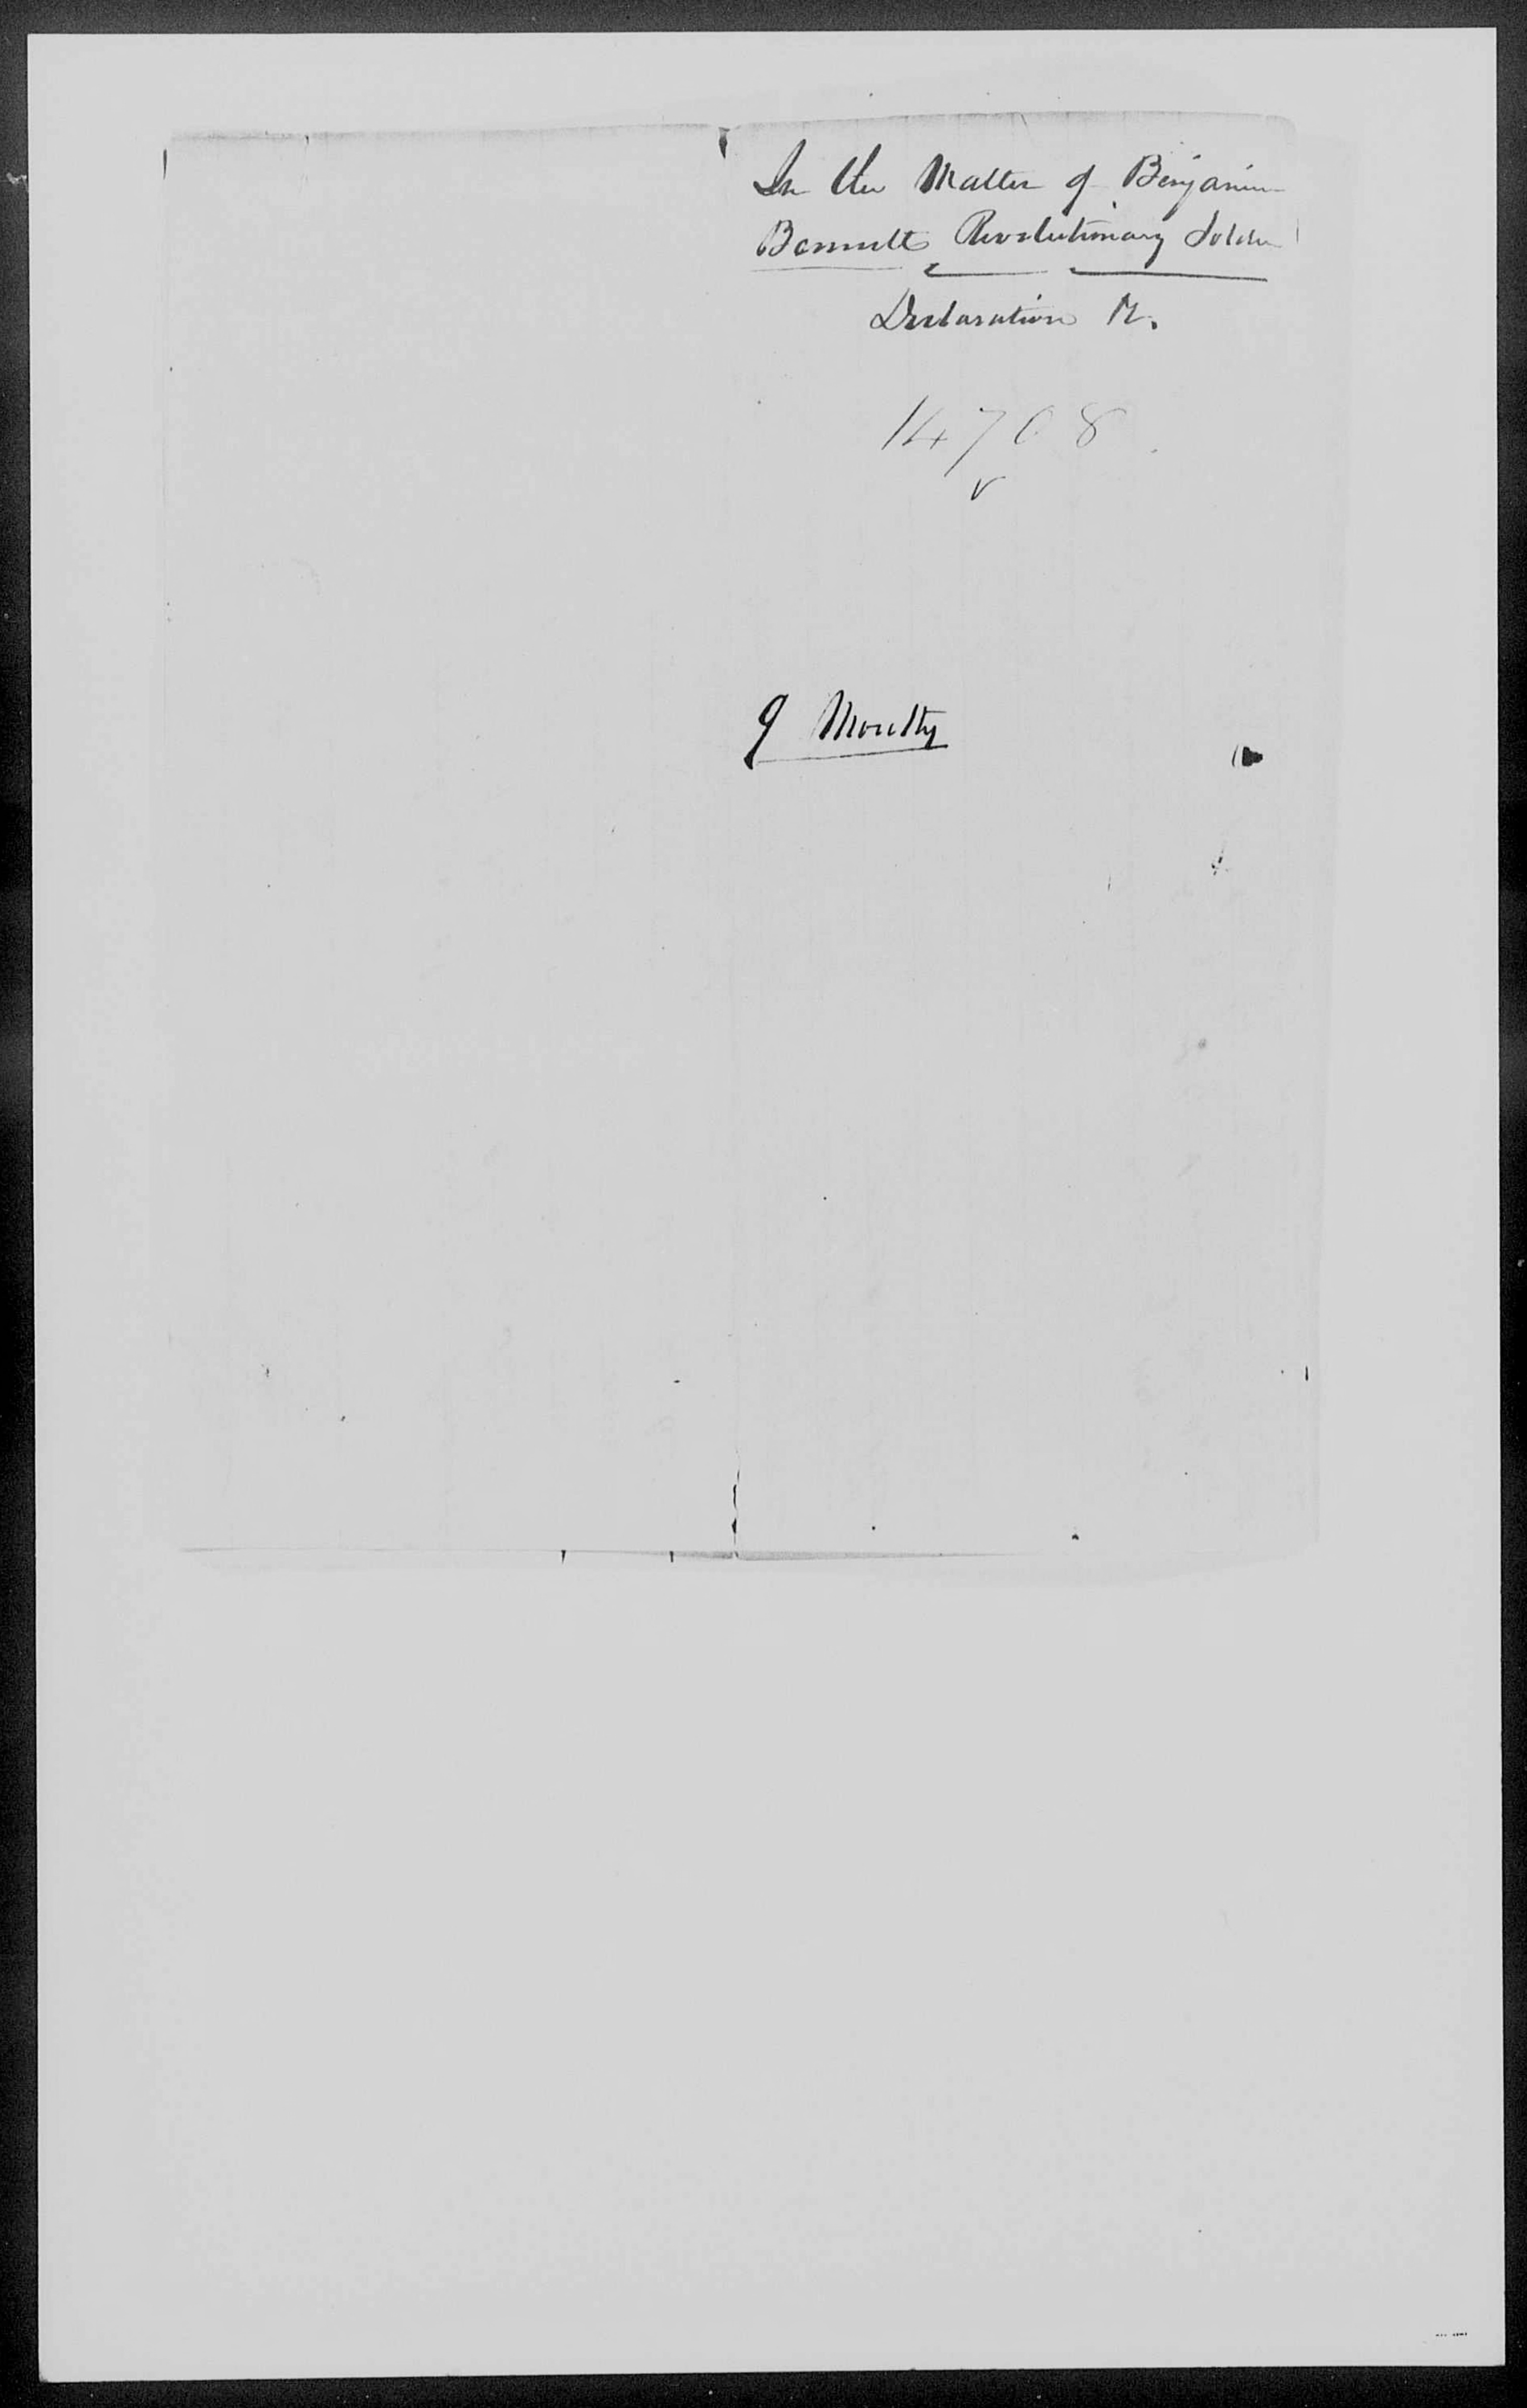In the Matter of Benjamin Bennett Revolutionary Soldier [underlined] 
Declaration M.  14708 [checkmark] 
9 Months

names: Benjamin Bennett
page: 5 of 16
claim: survivor's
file: S. 12175, Benjamin Bennett, Penn.